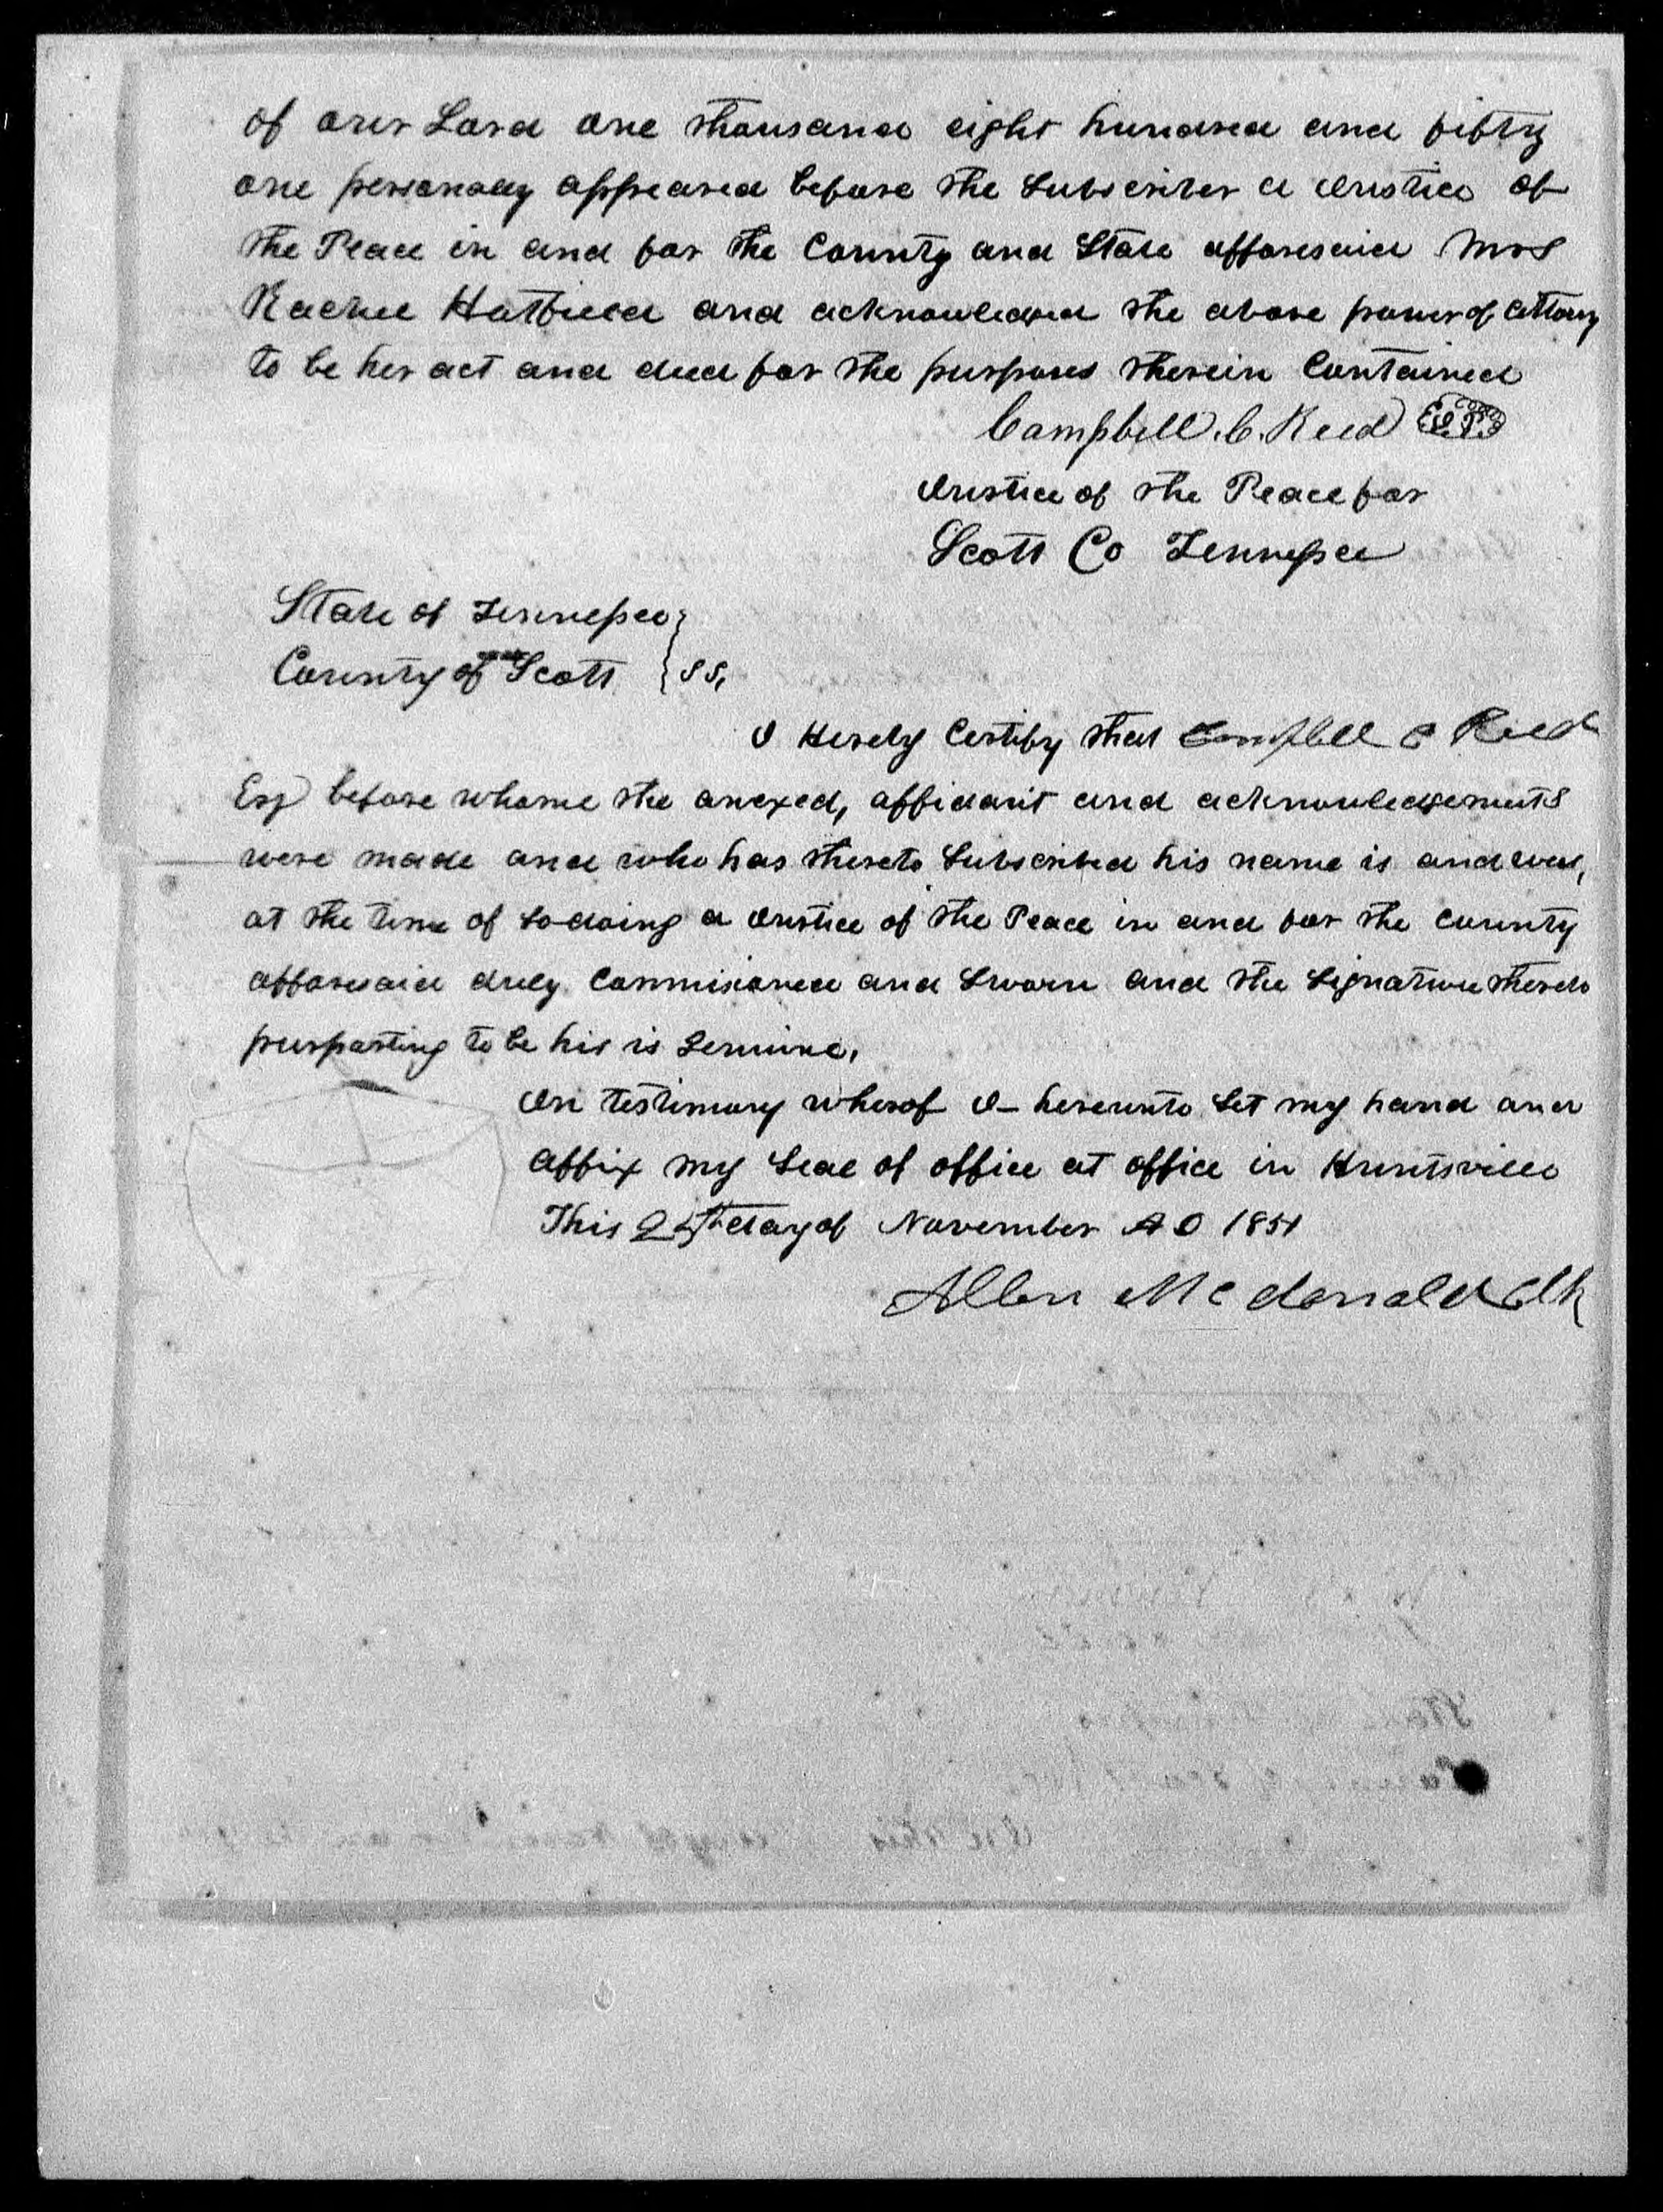of our Lord one thousand eight hundred and fifty one personally appeared before the Subscriber a Justice of the Peace in and for the County and State afforesaid Mrs Rachel Hatfield and acknowledged the above power of attorney to be her act and deed for the purposes therein contained
Campbell C. Reed [drawn seal]
Justice of the Peace for
Scott Co Tennessee

State of Tennessee
County of Scott ⎬ SS.
I hereby certify that Campbell E Reed Esq before whome the anexed affidavit and acknowledgement were made and who has thereto subscribed his name is and was at the time of so doing a Justice of the Peace in and for the County afforesaid duly commisoned and sworn and the signation thereto purporting to be his is genuine.

In testimony whereof I hereunto set my hand and affix my seal of office at office in Huntsville This 25th day of November AD 1851
Allen Mcdonald Clk [signature]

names: Campbell C Reed, Campbell C Reed, Rachel Hatfield, Allen Mc Donald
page: 50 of 74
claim: widow's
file: W. 5, Joseph Hatfield, Va.